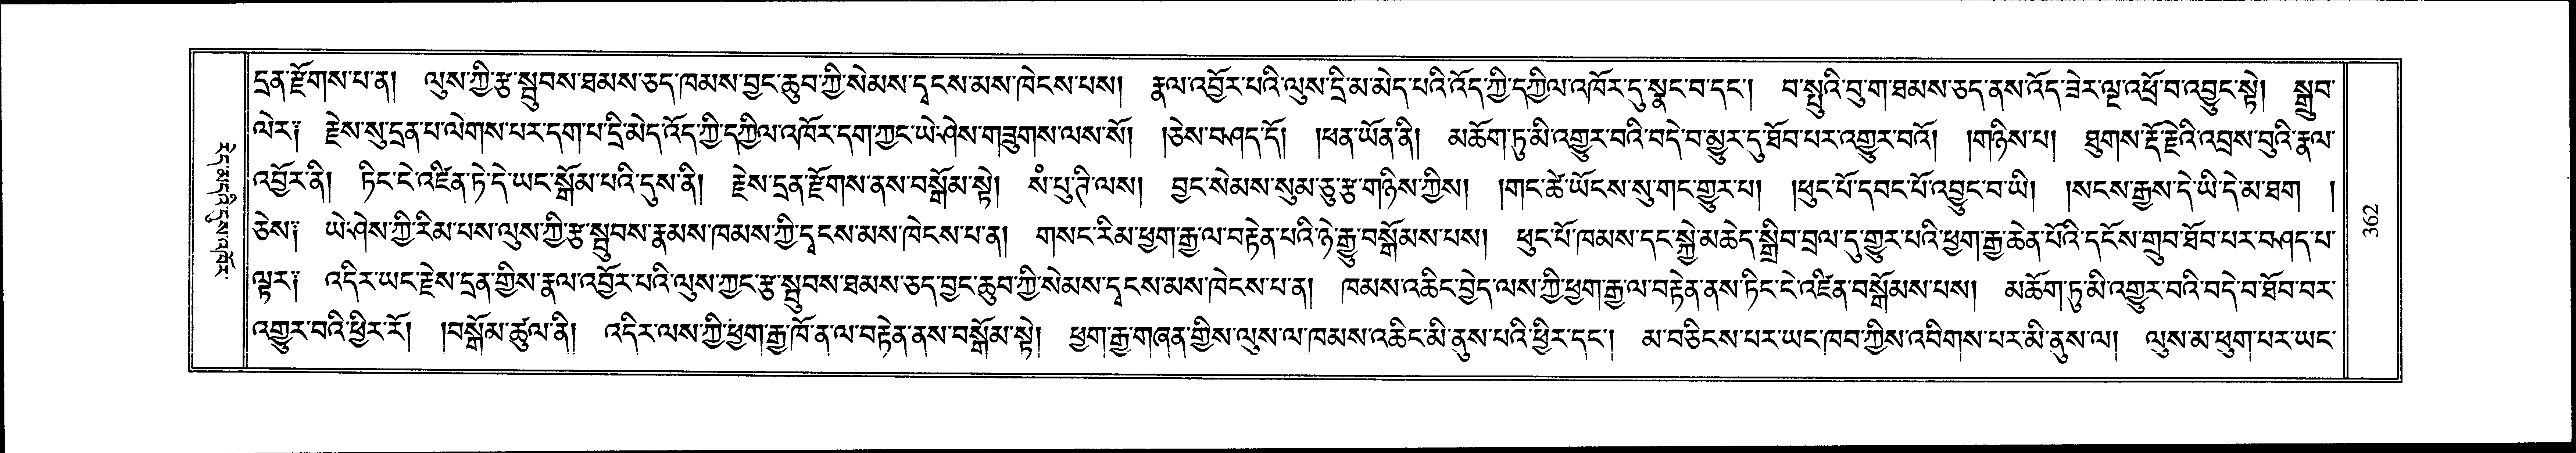དྲན་རྫོགས་པ་ན། ལུས་ཀྱི་རྩ་སྦུབས་ཐམས་ཅད་ཁམས་བྱང་ཆུབ་ཀྱི་སེམས་དྭངས་མས་ཁེངས་པས། རྣལ་འབྱོར་པའི་ལུས་དྲི་མ་མེད་པའི་འོད་ཀྱི་དཀྱིལ་འཁོར་དུ་སྣང་བ་དང་། བ་སྤུའི་བུ་ག་ཐམས་ཅད་ནས་འོད་ཟེར་ལྔ་འཕྲོ་བ་འབྱུང་སྟེ། སྒྲུབ་
ལེར། རྗེས་སུ་དྲན་པ་ལེགས་པར་དག་པ་དྲི་མེད་འོད་ཀྱི་དཀྱིལ་འཁོར་དག་ཀྱང་ཡེ་ཤེས་གཟུགས་ལས་སོ། །ཅེས་བཤད་དོ། །ཕན་ཡོན་ནི། མཆོག་ཏུ་མི་འགྱུར་བའི་བདེ་བ་མྱུར་དུ་ཐོབ་པར་འགྱུར་བའོ། །གཉིས་པ། ཐུགས་རྡོ་རྗེའི་འབྲས་བུའི་རྣལ་
འབྱོར་ནི། ཏིང་ངེ་འཛིན་ཏེ་དེ་ཡང་སྒོམ་པའི་དུས་ནི། རྗེས་དྲན་རྫོགས་ནས་བསྒོམ་སྟེ། སཾ་པུ་ཊི་ལས། བྱང་སེམས་སུམ་ཅུ་རྩ་གཉིས་ཀྱིས། །གང་ཚེ་ཡོངས་སུ་གང་གྱུར་པ། །ཕུང་པོ་དབང་པོ་འབྱུང་བ་ཡི། །སངས་རྒྱས་དེ་ཡི་དེ་མ་ཐག།
ཅེས། ཡེ་ཤེས་ཀྱི་རིམ་པས་ལུས་ཀྱི་རྩ་སྦུབས་རྣམས་ཁམས་ཀྱི་དྭངས་མས་ཁེངས་པ་ན། གསང་རིམ་ཕྱག་རྒྱ་ལ་བརྟེན་པའི་ཉེ་རྒྱུ་བསྒོམས་པས། ཕུང་པོ་ཁམས་དང་སྐྱེ་མཆེད་སྒྲིབ་བྲལ་དུ་གྱུར་པའི་ཕྱག་རྒྱ་ཆེན་པོའི་དངོས་གྲུབ་ཐོབ་པར་བཤད་པ་
ལྟར། འདིར་ཡང་རྗེས་དྲན་གྱིས་རྣལ་འབྱོར་པའི་ལུས་ཀྱང་རྩ་སྦུབས་ཐམས་ཅད་བྱང་ཆུབ་ཀྱི་སེམས་དྭངས་མས་ཁེངས་པ་ན། ཁམས་འཆིང་བྱེད་ལས་ཀྱི་ཕྱག་རྒྱ་ལ་བརྟེན་ནས་ཏིང་ངེ་འཛིན་བསྒོམས་པས། མཆོག་ཏུ་མི་འགྱུར་བའི་བདེ་བ་ཐོབ་པར་
འགྱུར་བའི་ཕྱིར་རོ། །བསྒོམ་ཚུལ་ནི། འདིར་ལས་ཀྱི་ཕྱག་རྒྱ་ཁོ་ན་ལ་བརྟེན་ནས་བསྒོམ་སྟེ། ཕྱག་རྒྱ་གཞན་གྱིས་ལུས་ལ་ཁམས་འཆིང་མི་ནུས་པའི་ཕྱིར་དང་། མ་བཅིངས་པར་ཡང་ཁབ་ཀྱིས་འབིགས་པར་མི་ནུས་ལ། ལུས་མ་ཕུག་པར་ཡང་